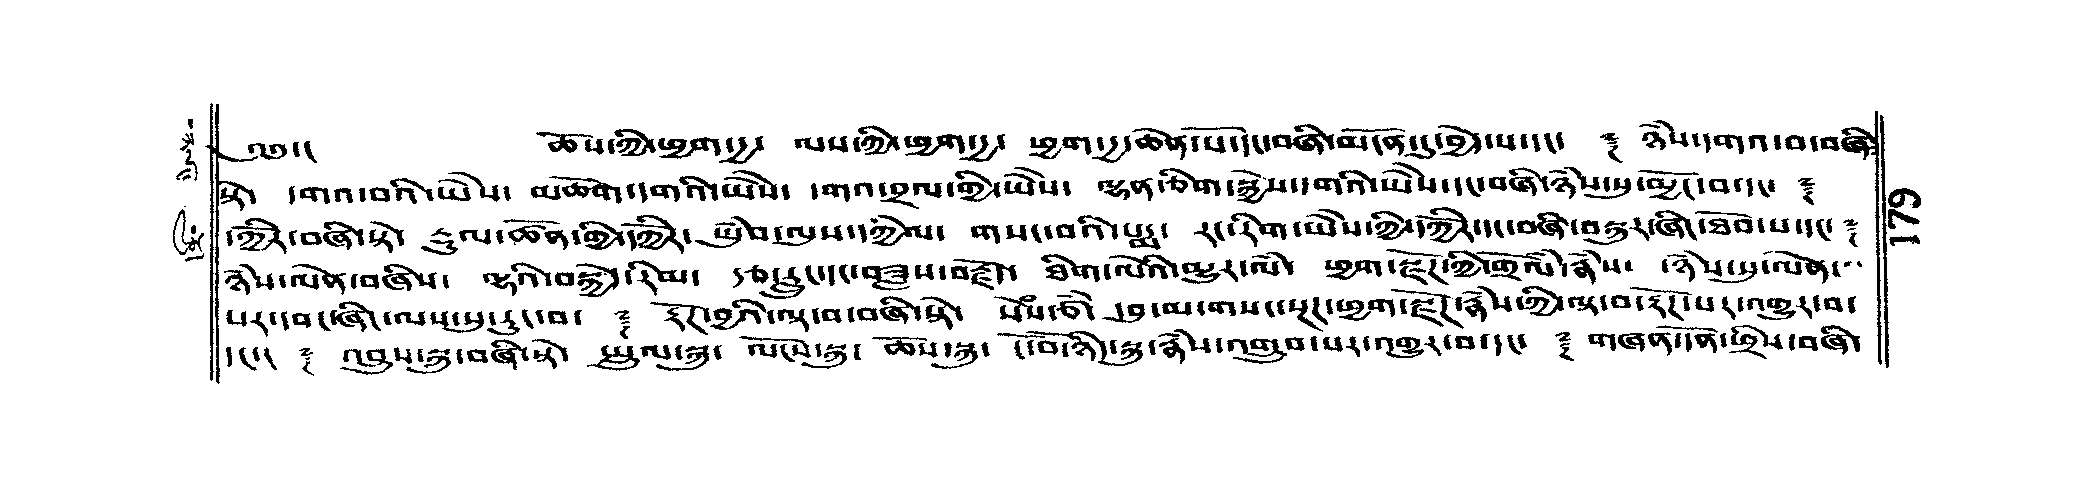ཆོས་ཀྱི་ཕྱག་རྒྱ། ལས་ཀྱི་ཕྱག་རྒྱ། ཕྱག་རྒྱ་ཆེན་པོ་དང་བཞི་མངོན་དུ་བྱེད་པ་། ཉམས་དགའ་བ་བཞི་
སྟེ། དགའ་བའི་ཡེ་ཤེས། མཆོག་དགའི་ཡེ་ཤེས། དགའ་བྲལ་གྱི་ཡེ་ཤེས། ལྷན་ཅིག་སྐྱེས་དགའི་ཡེ་ཤེས་དང་བཞི་ཉམས་སུ་མྱོང་བ་དང་། 
དཀྱིལ་འཁོར་བཞི་སྟེ། རྡུལ་ཚོན་གྱི་དཀྱིལ་འཁོར། ཡབ་ཡུམ་ལུས་དཀྱིལ། གསང་བའི་པདྨ། རང་རིག་ཡེ་ཤེས་ཀྱི་དཀྱིལ་འཁོར་དང་བཞི་བསྐུར་ཞིང་ཐོབ་པ་དང་། 
ཉམས་ལེན་བཞིས། ལྷའི་བསྐྱེད་རིམ། རྩ་རླུང་དང་བཟླས་བརྗོད། ཐིག་ལེའི་མྱུར་ལམ། ཕྱག་རྫོགས་ཀྱི་གྲོལ་ལམ་རྣམས་ཉམས་སུ་ལེན་
པར་དབང་ཞིང་ལས་སུ་རུང་བ། རྟོགས་བྱའི་ལྟ་བ་བཞི་སྟེ། སེམས་ཙམ། དབུ་མ་གསང་སྔགས་ཕྱག་རྫོགས་རྣམས་ཀྱི་ལྟ་བ་རྟོགས་པར་འགྱུར་བ་
དང་། འབྲས་བུ་སྐུ་བཞི་སྟེ། སྤྲུལ་སྐུ། ལོངས་སྐུ། ཆོས་སྐུ། ངོ་བོ་ཉིད་སྐུ་རྣམས་འགྲུབ་པར་འགྱུར་བ་དང་། གཞན་དོན་ཕྲིན་ལས་བཞི་